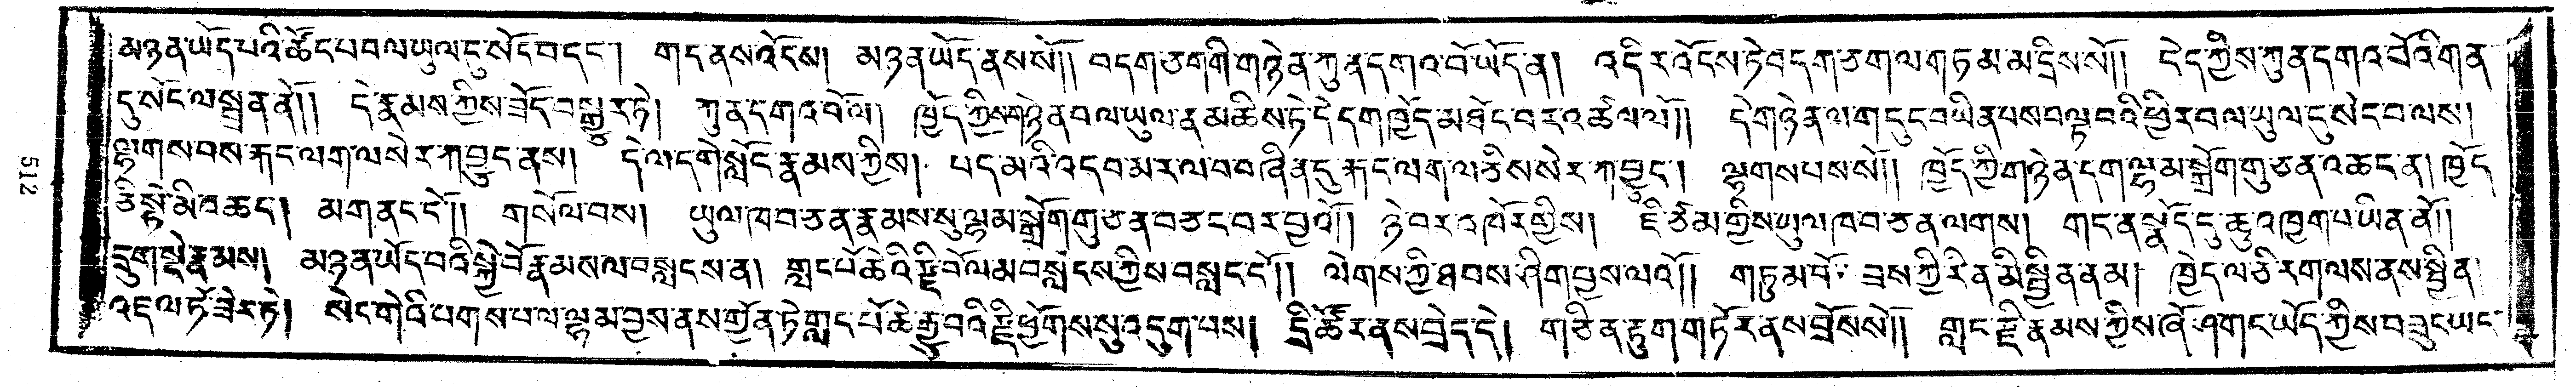མཉན་ཡོད་པའི་ཚོང་པ་བལ་ཡུལ་དུ་སོང་བ་དང་། གང་ནས་འོངས། མཉན་ཡོད་ནས་སོ།། བདག་ཅག་གི་གཉེན་ཀུན་དགའ་བོ་ཡོད་ན། འདིར་འོངས་ཏེ་བདག་ཅག་ལ་གཏམ་མ་དྲིས་སོ།། ངེད་ཀྱིས་ཀུན་དགའ་བོའི་གན་
དུ་སོང་ལ་སྦྲན་ནོ།། དེ་རྣམས་ཀྱིས་ཟོད་བསྒྱུར་ཏེ། ཀུན་དགའ་བོ་ལ། ཁྱོད་ཀྱིས་གཉེན་བལ་ཡུལ་ན་མཆིས་ཏེ་དེ་དག་ཁྱོད་མཐོང་བར་འཚལ་ལོ།། དེ་གཉེན་ལ་གདུང་བ་ཡིན་པས་བལྟ་བའི་ཕྱིར་བལ་ཡུལ་དུ་སེང་བ་ལས།
ལྷགས་བས་རྐང་ལག་ལ་སེར་ཀ་བྱུང་ནས། དེ་ལ་དགེ་སློང་རྣམས་ཀྱིས། པད་མའི་འདབ་མར་ལ་བ་བཞིན་དུ་རྐང་ལག་ལ་ཅིས་སེར་ཀ་བྱུང་། ལྷགས་པས་སོ།། ཁྱོད་ཀྱི་གཉེན་དག་ལྷམ་སྒྲོག་གུ་ཅན་འཆང་ན། ཁྱོད་
ཅི་སྟེ་མི་འཆང་། མ་གནང་ངོ།། གསོལ་བས། ཡུལ་ཁ་བ་ཅན་རྣམས་སུ་ལྷམ་སྒྲོག་གུ་ཅན་བཅང་བར་བྱའོ།། ཉེ་བར་འཁོར་གྱིས། ཇི་ཙམ་གྱིས་ཡུལ་ཁབ་ཅན་ལགས། གང་ན་སྣོད་དུ་ཆུ་འཁྱག་པ་ཡིན་ནོ།།
དྲུག་སྡེ་རྣམས། མཉན་ཡོད་པའི་སྐྱེ་བོ་རྣམས་ལ་བསླངས་ན། གླང་པོ་ཆེའི་རྫི་བོ་ལམ་བསླངས་ཀྱིས་བསླང་ངོ།། ལེགས་ཀྱི་ཐབས་ཤིག་བྱས་ལའོ།། གཏུམ་བོ་ཟས་ཀྱི་རིན་མི་སྦྱིན་ནམ། ཁྱེད་ལ་ཅི་རག་ལས་ནས་སྦྱིན།
འཇལ་ཏོ་ཟེར་ཏེ། སེང་གེའི་པགས་པ་ལ་ལྷམ་བྱས་ནས་གྱོན་ཏེ་གླང་པོ་ཆེ་རྒྱུ་བའི་རྫི་ཕྱོགས་སུ་འདུག་པས། དྲི་ཚོར་ནས་བྲེད་དེ། གཅིན་རྟུག་གཏོར་ནས་བྲོས་སོ།། གླང་རྫི་རྣམས་ཀྱིས་ཞོ་ཤ་གང་ཡོད་ཀྱིས་བཟུང་ཡང་